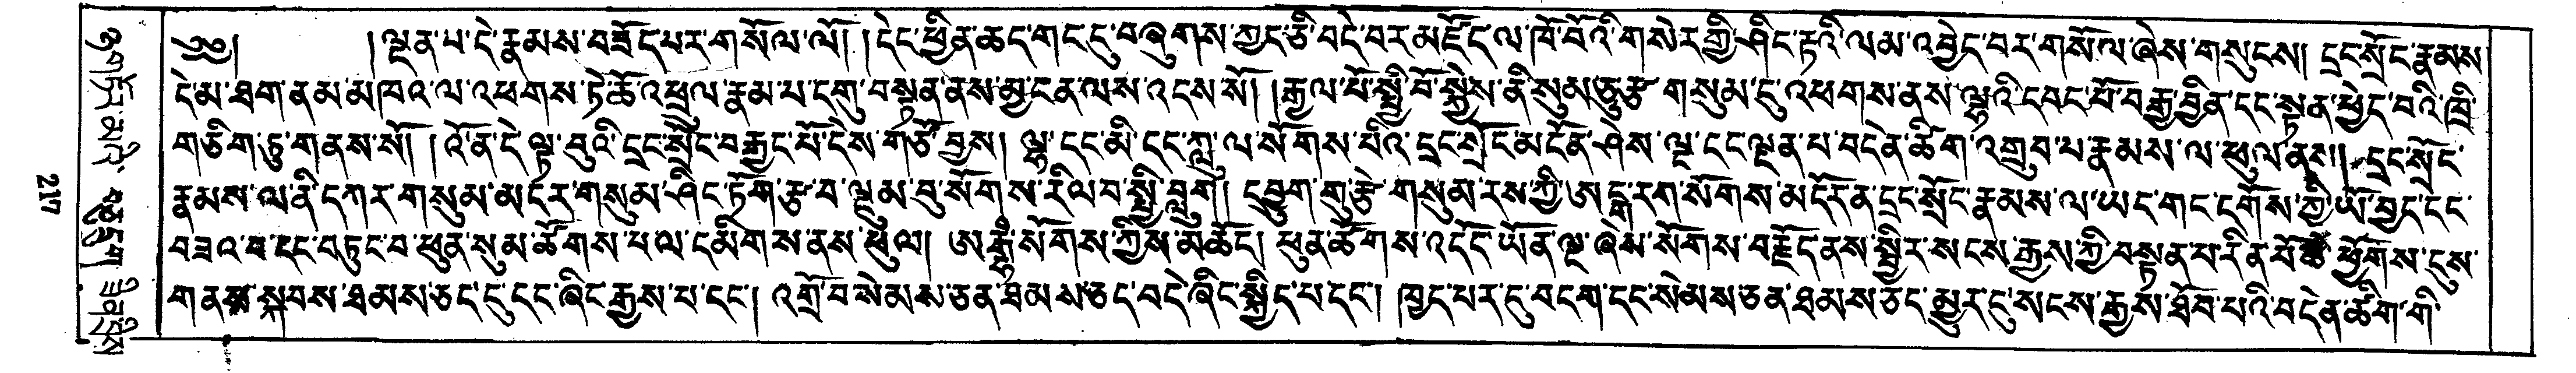༄༅། །ལྡན་པ་དེ་རྣམས་བཟོད་བར་གསོལ་ལོ། །དེང་ཕྱིན་ཆད་གང་དུ་བཞུགས་ཀྱང་ཅི་བདེ་བར་མཛོད་ལ་ཁོ་བོའི་གསེར་གྱི་ཤིང་རྟའི་ལམ་འབྱེད་བར་གསོལ་ཞེས་གསུངས། དྲང་སྲོང་རྣམས་
དེ་མ་ཐག་ནམ་མཁའ་ལ་འཕགས་ཏེ་ཆོ་འཕྲུལ་རྣམ་བ་དགུ་བསྟན་ནས་མྱ་ངན་ལས་འདས་སོ། །རྒྱལ་པོ་སྤྱི་པོ་སྐྱེས་ནི་སུམ་ཅུ་རྩ་གསུམ་དུ་འཕགས་ནས་ལྷའི་དབང་པོ་བརྒྱ་བྱིན་དང་སྟན་ཕྱེང་བའི་ཁྲི་
གཅིག་ཏུ་གནས་སོ། །འོ་ན་དེ་ལྟ་བུའི་དྲང་སྲོང་བརྒྱད་པོ་ངེས་གཙོ་བྱས། ལྷ་དང་མི་དང་ཀླུ་ལ་སོགས་པའི་དྲང་སྲོང་མངོན་ཤེས་ལྔ་དང་ལྡན་པ་བདེན་ཚིག་འགྲུབ་པ་རྣམས་ལ་ཕུལ་ནས། དྲང་སྲོང་
རྣམས་ལ་ནི་དཀར་གསུམ་མངར་གསུམ་ཤིང་ཏོག་རྩ་བ་ལྡུམ་བུ་སོགས་རིལ་བ་སྤྱི་བླུག། དབྱུག་གུ་རྩེ་གསུམ་རས་ཀྱི་ཨངྒ་རག་སོགས་མདོར་ན་དྲང་སྲོང་རྣམས་ལ་ཡང་གང་དགོས་ཀྱི་ཡོ་བྱད་དང་
བཟའ་བ་དང་བཏུང་བ་ཕུན་སུམ་ཚོགས་པ་ལ་དམིགས་ནས་ཕུལ། ཨརྒྷཾ་སོགས་ཀྱིས་མཆོད། ཕུན་ཚོགས་འདོད་ཡོན་ལྔ་ཞེས་སོགས་བརྗོད་ནས་སྤྱིར་སངས་རྒྱས་ཀྱི་བསྟན་བ་རིན་པོ་ཆེ་ཕྱོགས་དུས་
གནས་སྐབས་ཐམས་ཅད་དུ་དར་ཞིང་རྒྱས་པ་དང་། འགྲོ་བ་སེམས་ཅན་ཐམས་ཅད་བདེ་ཞིང་སྐྱིད་པ་དང་། ཁྱད་པར་དུ་བདག་དང་སེམས་ཅན་ཐམས་ཅད་མྱུར་དུ་སངས་རྒྱས་ཐོབ་པའི་བདེན་ཚིག་གི་